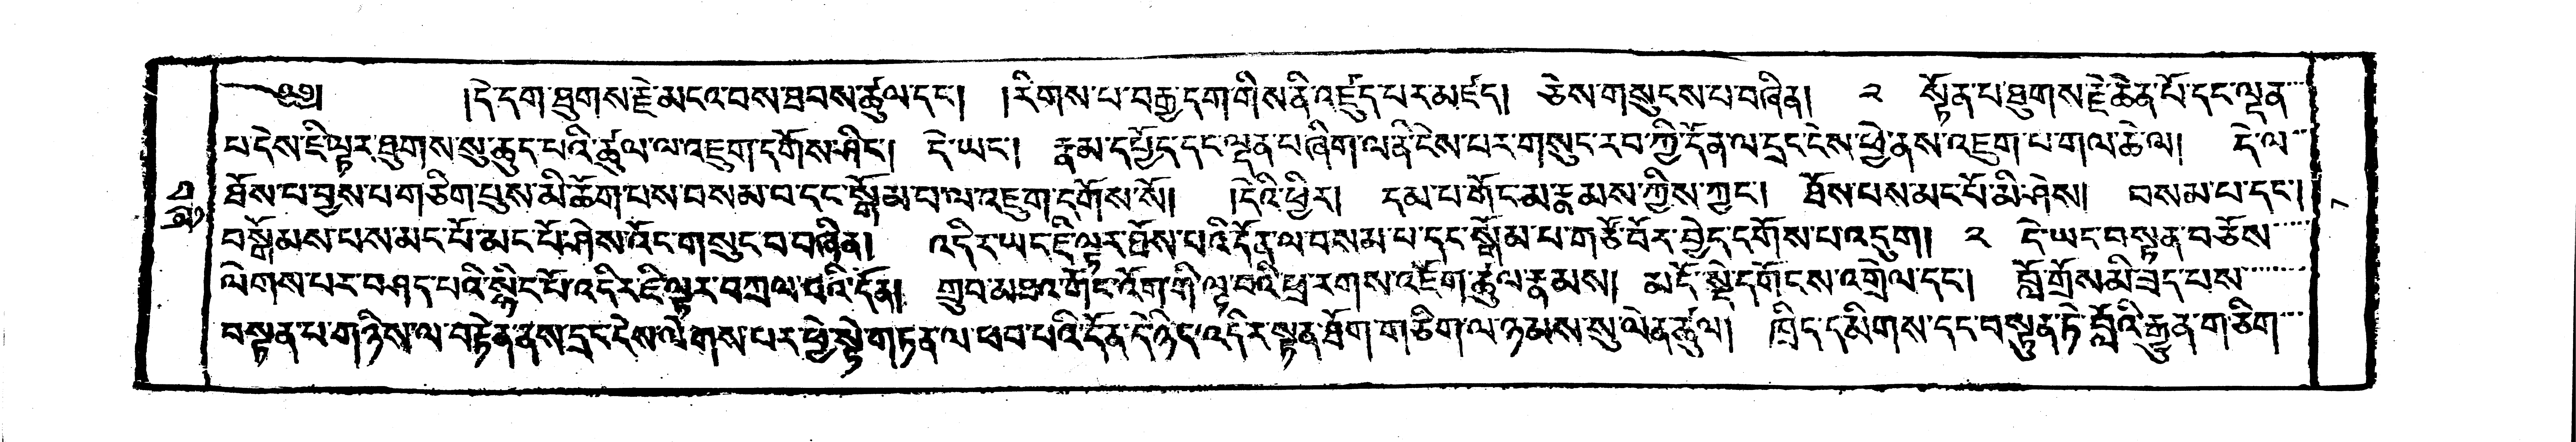༄༅། །དེ་དག་ཐུགས་རྗེ་མངའ་བས་ཐབས་ཚུལ་དང་། །རིགས་པ་བརྒྱ་དག་གིས་ནི་འཛུད་པར་མཛད། ཅེས་གསུངས་པ་བཞིན། ༢་སྟོན་པ་ཐུགས་རྗེ་ཆེན་པོ་དང་ལྡན་
པ་དེས་ཇི་ལྟར་ཐུགས་སུ་ཆུད་པའི་ཚུལ་ལ་འཇུག་དགོས་ཤིང་། དེ་ཡང་། རྣམ་དཔྱོད་དང་ལྡན་པ་ཞིག་ལ་ནི་ངེས་པར་གསུང་རབ་ཀྱི་དོན་ལ་དྲང་ངེས་ཕྱེ་ནས་འཇུག་པ་གལ་ཆེ་ལ། དེ་ལ་
ཐོས་པ་བྱས་པ་གཅིག་པུས་མི་ཆོག་པས་བསམ་པ་དང་སྒོམ་པ་ལ་འཇུག་དགོས་སོ། །དེའི་ཕྱིར། དམ་པ་གོང་མ་རྣམས་ཀྱིས་ཀྱང་། ཐོས་པས་མང་པོ་མི་ཤེས། བསམ་པ་དང་།
བསྒོམས་པས་མང་པོ་མང་པོ་ཤེས་འོང་གསུང་བ་བཞིན། འདིར་ཡང་ཇི་ལྟར་ཐོས་པའི་དོན་ལ་བསམ་པ་དང་སྒོམ་པ་གཙོ་བོར་བྱེད་དགོས་པ་འདུག །༢་དེ་ཡང་བསྟན་བཅོས་
ལེགས་པར་བཤད་པའི་སྙིང་པོ་འདིར་ཇི་ལྟར་བཀྲལ་བའི་དོན། གྲུབ་མཐའ་གོང་འོག་གི་ལྟ་བའི་ཕྲ་རགས་འཇོག་ཚུལ་རྣམས། མདོ་སྡེ་དགོངས་འགྲེལ་དང་། བློ་གྲོས་མི་ཟད་པས་
བསྟན་པ་གཉིས་ལ་བརྟེན་ནས་དྲང་ངེས་ལེགས་པར་ཕྱེ་སྟེ་གཏན་ལ་ཕབ་པའི་དོན་དེ་ཉིད་འདིར་སྟན་ཐོག་གཅིག་ལ་ཉམས་སུ་ལེན་ཚུལ། ཁྲིད་དམིགས་དང་བསྟུན་ཏེ་བློའི་རྒྱུན་གཅིག་